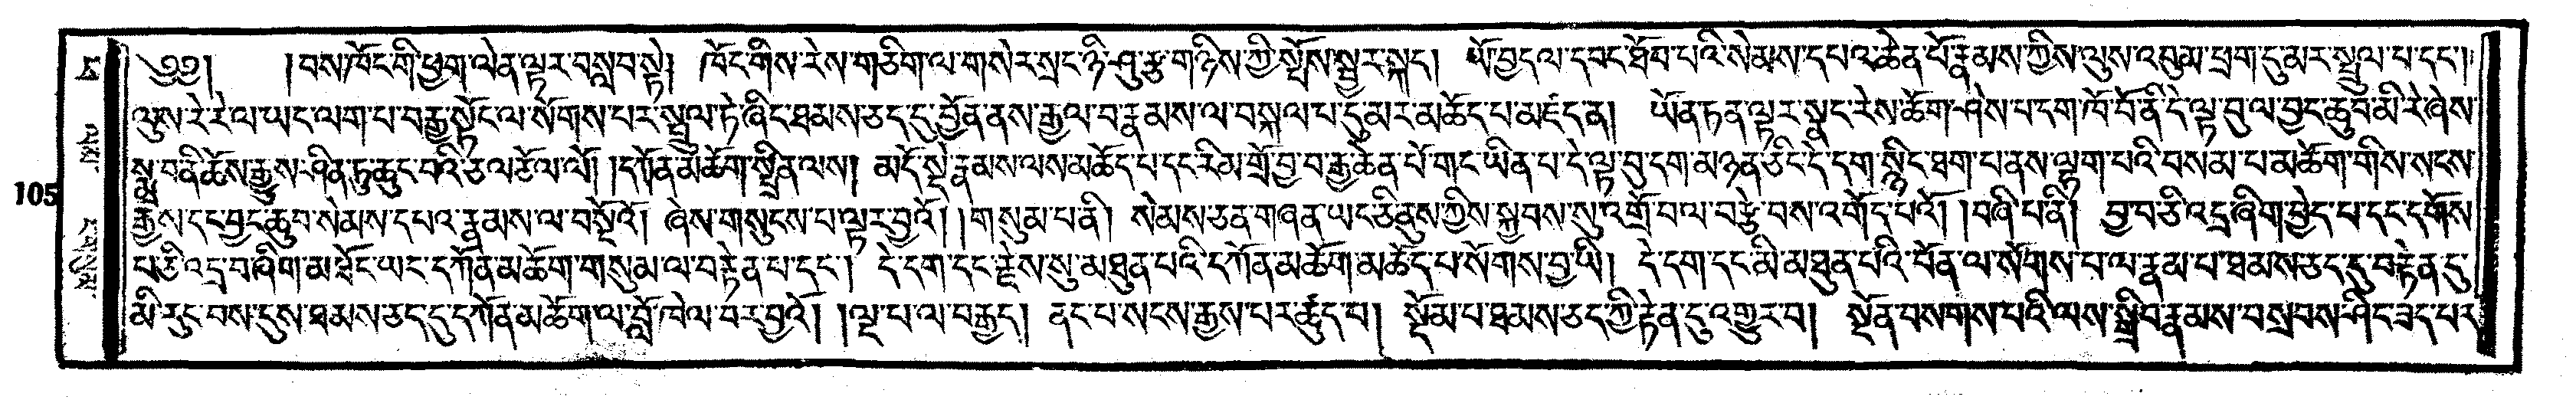༄༅། །བས་ཁོང་གི་ཕྱག་ལེན་ལྟར་བསླབ་སྟེ། ཁོང་གིས་རེས་གཅིག་ལ་གསེར་སྲང་ཉི་ཤུ་རྩ་གཉིས་ཀྱི་སྤོས་སྦྱར་སྐད། ཡོ་བྱད་ལ་དབང་ཐོབ་པའི་སེམས་དཔའ་ཆེན་པོ་རྣམས་ཀྱིས་ལུས་འབུམ་ཕྲག་དུ་མར་སྤྲུལ་པ་དང་།
ལུས་རེ་རེ་ལ་ཡང་ལག་པ་བརྒྱ་སྟོང་ལ་སོགས་པར་སྤྲུལ་ཏེ་ཞིང་ཐམས་ཅད་དུ་བྱོན་ནས་རྒྱལ་བ་རྣམས་ལ་བསྐལ་པ་དུ་མར་མཆོད་པ་མཛད་ན། ཡོན་ཏན་ལྟར་སྣང་རེས་ཆོག་ཤེས་པ་དག་ཁོ་བོ་ནི་དེ་ལྟ་བུ་ལ་བྱང་ཆུབ་མི་རེ་ཞེས་
སྨྲ་བ་ནི་ཆོས་རྒྱུས་ཤིན་ཏུ་ཆུང་བའི་ཅལ་ཅོལ་ལོ། །དཀོན་མཆོག་སྤྲིན་ལས། མདོ་སྡེ་རྣམས་ལས་མཆོད་པ་དང་རིམ་གྲོ་བྱ་བ་རྒྱ་ཆེན་པོ་གང་ཡིན་པ་དེ་ལྟ་བུ་དག་མཉན་ཅིང་དེ་དག་སྙིང་ཐག་པ་ནས་ལྷག་པའི་བསམ་པ་མཆོག་གིས་སངས་
རྒྱས་དང་བྱང་ཆུབ་སེམས་དཔའ་རྣམས་ལ་བསྔོའོ། ཞེས་གསུངས་པ་ལྟར་བྱའོ། །གསུམ་པ་ནི། སེམས་ཅན་གཞན་ཡང་ཅུ་ནུས་ཀྱིས་སྐྱབས་སུ་འགྲོ་བ་ལ་བརྩེ་བས་འགོད་པའོ། །བཞི་པ་ནི། བྱ་བ་ཅི་འདྲ་ཞིག་བྱེད་པ་དང་དགོས་
པ་ཅི་འདྲ་བ་ཞིག་མཐོང་ཡང་དཀོན་མཆོག་གསུམ་ལ་བརྟེན་པ་དང་། དེ་དག་དང་རྗེས་སུ་མཐུན་པའི་དཀོན་མཆོག་མཆོད་པ་སོགས་བྱ་ཡི། དེ་དག་དང་མི་མཐུན་པའི་བོན་ལ་སོགས་པ་ལ་རྣམ་པ་ཐམས་ཅད་དུ་བརྟེན་དུ་
མི་རུང་བས་དུས་ཐམས་ཅད་དུ་དཀོན་མཆོག་ལ་བློ་ཁེལ་བར་བྱའོ། །ལྔ་པ་ལ་བརྒྱད། ནང་པ་སངས་རྒྱས་པར་ཚུད་པ། སྡོམ་པ་ཐམས་ཅད་ཀྱི་རྟེན་དུ་འགྱུར་བ། སྔོན་བསགས་པའི་ལས་སྒྲིབ་རྣམས་བསྲབས་ཤིང་ཟད་པར་